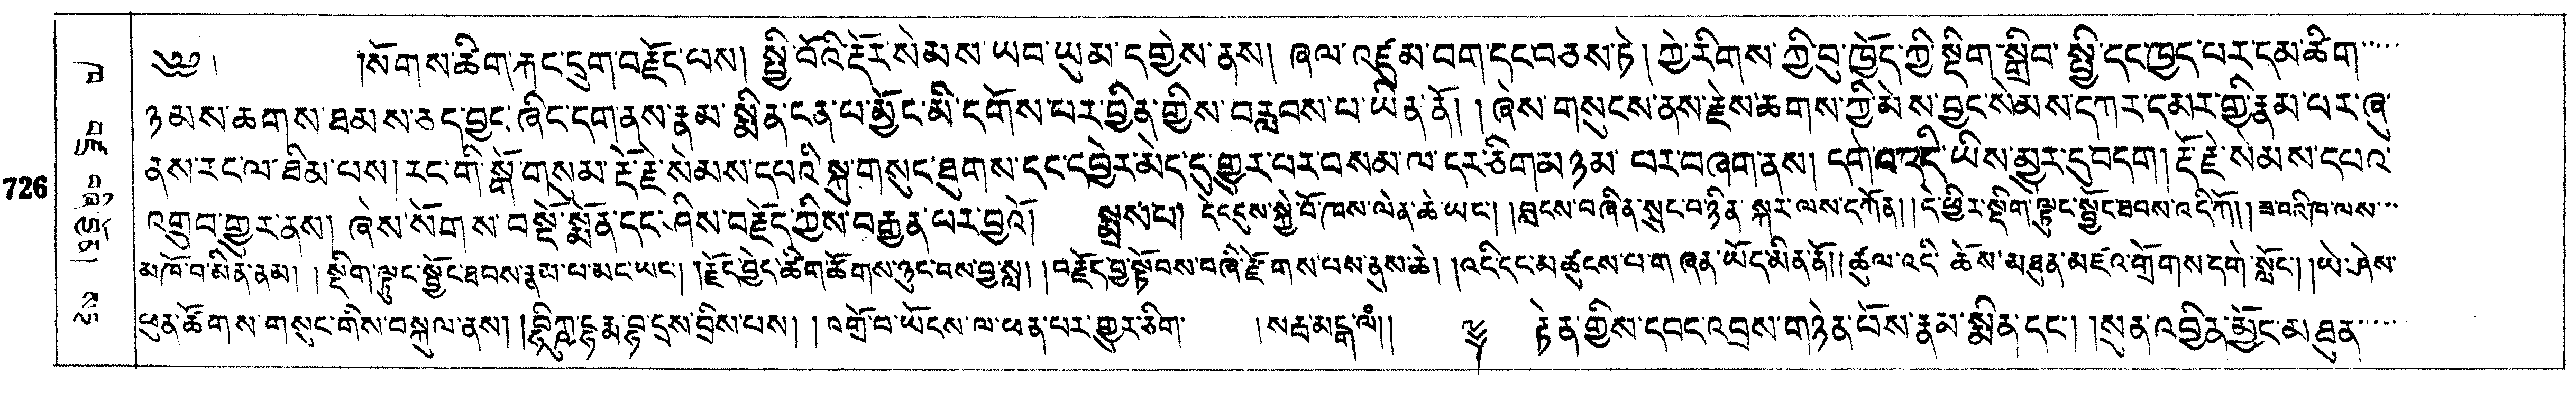༄༅། །སོགས་ཚིག་རྐང་དྲུག་བརྗོད་པས། སྤྱི་བོའི་རྡོར་སེམས་ཡབ་ཡུམ་དགྱེས་ནས། ཞལ་འཛུམ་བག་དང་བཅས་ཏེ། ཀྱེ་རིགས་ཀྱི་བུ་ཁྱོད་ཀྱི་སྡིག་སྒྲིབ་སྤྱི་དང་ཁྱད་པར་དམ་ཚིག་
ཉམས་ཆགས་ཐམས་ཅད་བྱང་ཞིང་དག་ནས་རྣམ་སྨིན་ངན་པ་མྱོང་མི་དགོས་པར་བྱིན་གྱིས་བརླབས་པ་ཡིན་ནོ། །ཞེས་གསུངས་ནས་རྗེས་ཆགས་ཀྱི་མེས་བྱང་སེམས་དཀར་དམར་གྱི་རྣམ་པར་ཞུ་
ནས་རང་ལ་ཐིམ་པས། རང་གི་སྒོ་གསུམ་རྡོ་རྗེ་སེམས་དཔའི་སྐུ་གསུང་ཐུགས་དང་དབྱེར་མེད་དུ་གྱུར་པར་བསམ་ལ་དར་ཅིག་མཉམ་པར་བཞག་ནས། དགེ་བ་འདི་ཡིས་མྱུར་དུ་བདག །རྡོ་རྗེ་སེམས་དཔའ་
འགྲུབ་གྱུར་ནས། ཞེས་སོགས་བསྔོ་སྨོན་དང་ཤིས་བརྗོད་ཀྱིས་བརྒྱན་པར་བྱའོ། སྨྲས་པ། དེང་དུས་སྐྱེ་བོ་ཁས་ལེན་ཆེ་ཡང་། །བླངས་བཞིན་སྲུང་བ་ཉིན་སྐར་ལས་དཀོན། །དེ་ཕྱིར་སྡིག་ལྟུང་སྦྱོང་ཐབས་འདི་ཀོ། །ཟ་བའི་ཁ་ལས་
མཁོ་བ་མིན་ནམ། །སྡིག་ལྟུང་སྦྱོང་ཐབས་རྣམ་པ་མང་ཡང་། །རྗོད་བྱེད་ཚིག་ཚོགས་ཉུང་བས་བྱ་སླ། །བརྗོད་བྱ་སྟོབས་བཞི་རྫོགས་པས་ནུས་ཆེ། །འདི་དང་མཚུངས་པ་གཞན་ཡོད་མིན་ནོ། །ཚུལ་འདི་ཆོས་མཐུན་མཛའ་གྲོགས་དགེ་སློང་། །ཡེ་ཤེས་
ཕུན་ཚོགས་གསུང་གིས་བསྐུལ་ནས། །བྷིཀྵུ་?་དྷརྨ་བྷ་དྲས་བྲིས་པས། །འགྲོ་བ་ཡོངས་ལ་ཕན་པར་གྱུར་ཅིག །སརྦ་མངྒ་ལཾ།། ༈ རྟེན་གྱིས་དབང་འབྲས་གཉེན་པོས་རྣམ་སྨིན་དང་། །སུན་འབྱིན་མྱོང་མཐུན་